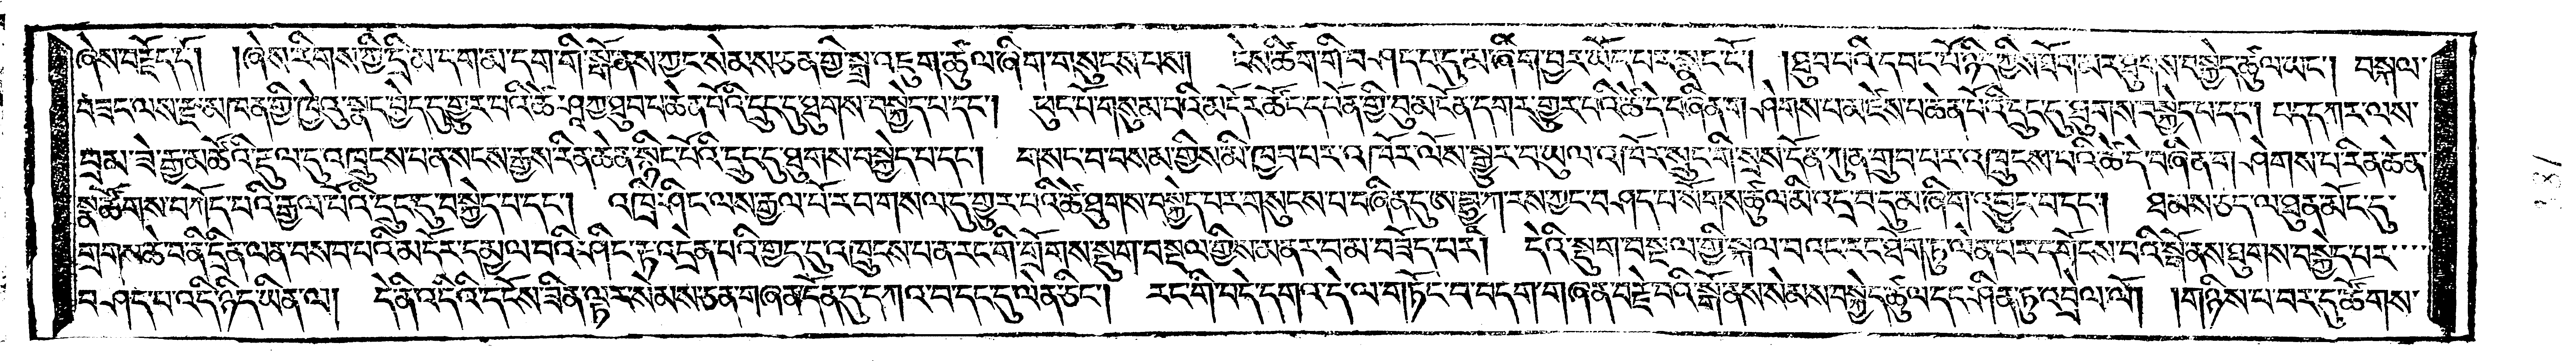ཞེས་བརྗོད་དོ། །ཞེས་རིགས་ཀྱི་དྲི་མ་དག་མ་དག་གི་སྒོ་ནས་ཀྱང་སེམས་ཅན་གྱི་སྒྲ་འཇུག་ཚུལ་ཞིག་གསུངས་པས། ངེས་ཚིག་གི་བཤད་པ་དུ་མ་ཞིག་བྱར་ཡོད་པར་སྣང་ངོ། །ཐུབ་པའི་དབང་པོ་ཉིད་ཀྱིས་ཐོག་མར་ཐུགས་བསྐྱེད་ཚུལ་ཡང་། བསྐལ་
བཟང་ལས་རྫ་མཁན་གྱི་ཁྱེའུ་སྣང་བྱེད་དུ་གྱུར་པའི་ཚེ་ཤྰྐྱ་ཐུབ་པ་ཆེན་པོའི་དྲུང་དུ་ཐུགས་བསྐྱེད་པ་དང་། ཕུང་པོ་གསུམ་པའི་མདོར་ཚོང་དཔོན་གྱི་བུ་མངོན་དགར་གྱུར་བའི་ཚེ་དེ་བཞིན་གཤེགས་པ་མཛེས་པ་ཆེན་པོའི་དྲུང་དུ་ཐུགས་བསྐྱེད་པ་དང་། པད་དཀར་ལས་
བྲམ་ཟེ་རྒྱ་མཚོའི་རྡུལ་དུ་འཁྲུངས་བ་ན་སངས་རྒྱས་རིན་ཆེན་སྙིང་པོའི་དྲུང་དུ་ཐུགས་བསྐྱེད་པ་དང་། གསང་བ་བསམ་གྱིས་མི་ཁྱབ་པར་འཁོར་ལོས་སྒྱུར་བ་ཡུལ་འཁོར་སྲུང་གི་སྲས་དོན་ཀུན་གྲུབ་པར་འཁྲུངས་པའི་ཚེ་དེ་བཞིན་གཤེགས་པ་རིན་ཆེན་
སྣ་ཚོགས་བཀོད་པའི་རྒྱལ་པོའི་དྲུང་དུ་བསྐྱེད་པ་དང་། འཁྲི་ཤིང་ལས་རྒྱལ་པོ་རབ་གསལ་དུ་གྱུར་པའི་ཚེ་ཐུགས་བསྐྱེད་པར་གསུངས་པ་བཞིན་དུ་ཨ་བྷྱཱ་ཀ་རས་ཀྱང་བཤད་པ་སོགས་ཚུལ་མི་འདྲ་བ་དུ་མ་ཞིག་འབྱུང་བ་དང་། ཐམས་ཅད་ལ་ཐུན་མོང་དུ་
གྲགས་ཆེ་བ་ནི་དྲིན་ལན་བསབ་པའི་མདོར་དམྱལ་བའི་ཤིང་རྟ་འདྲེན་པའི་གྱང་དུ་འཁྲུངས་པ་ན་རང་གི་གྲོགས་སྡུག་བསྔལ་གྱིས་མནར་བ་མ་བཟོད་པར། དེའི་སྡུག་བསྔལ་གྱི་སྐལ་བའང་རང་ཐོག་ཏུ་ལེན་བར་དགོངས་པའི་སྒོ་ནས་ཐུགས་བསྐྱེད་པར་
བཤད་པ་འདི་ཉིད་ཡིན་ལ། དེ་ནི་འདིའི་དངོས་ཟིན་ལྟར་སེམས་ཅན་གཞན་དོན་དུ་དཀའ་བ་དང་དུ་ལེན་ཅིང་། རང་གི་བདེ་དགའ་དེ་ལ་གཏོང་བ་བདག་གཞན་བརྗེ་བའི་སྒོ་ནས་སེམས་བསྐྱེད་ཚུལ་དང་ཤིན་ཏུ་འབྲེལ་ལོ། །གཉིས་པ་བར་དུ་ཚོགས་